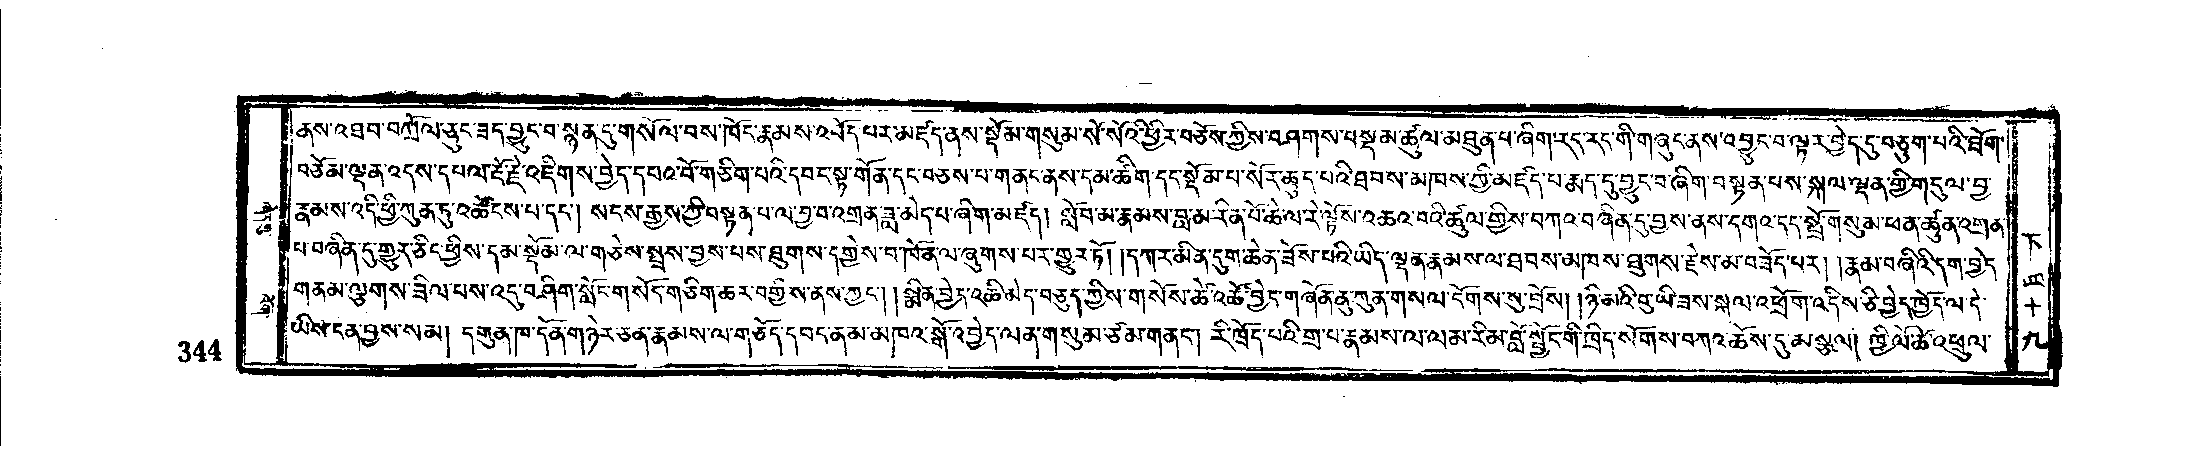ནས་འཐབ་བཀྲོལ་ཅུང་ཟད་བྱུང་བ་སྙན་དུ་གསོལ་བས་ཁོང་རྣམས་འབོད་པར་མཛད་ནས་སྡོམ་གསུམ་སོ་སོའི་ཕྱིར་བཅོས་ཀྱིས་བཤགས་བསྡམ་ཚུལ་མཐུན་པ་ཞིག་རང་རང་གི་གཞུང་ནས་འབྱུང་བ་ལྟར་བྱེད་དུ་བཅུག་པའི་ཐོག་
བཅོམ་ལྡན་འདས་དཔལ་རྡོ་རྗེ་འཇིགས་བྱེད་དཔའ་བོ་གཅིག་པའི་དབང་སྟ་གོན་དང་བཅས་པ་གནང་ནས་དམ་ཚིག་དང་སྡོམ་པ་སོར་ཆུད་པའི་ཐབས་མཁས་ཀྱི་མཛད་པ་རྨད་དུ་བྱུང་བ་ཞིག་བསྟན་པས་སྐལ་ལྡན་གྱི་གདུལ་བྱ་
རྣམས་འདི་ཕྱི་ཀུན་ཏུ་འཆོངས?་པ་དང་། སངས་རྒྱས་ཀྱི་བསྟན་པ་ལ་བྱ་བ་འགྲེན་ཟླ་མེད་པ་ཞིག་མཛད། སློབ་མ་རྣམས་བླ་མ་རིན་པོ་ཆེ་ལ་རེ་ལྟོས་འཆའ་བའི་ཚུལ་གྱིས་བཀའ་བཞིན་དུ་བྱས་ནས་དགའ་དད་སྤྲོ་གསུམ་ཕན་ཚུན་འགྲན་
པ་བཞིན་དུ་གྱུར་ཅིང་ཕྱིས་དམ་སྡོམ་ལ་གཅེས་སྤྲས་བྱས་པས་ཐུགས་དགྱེས་པ་ཁོ་ན་ལ་ཞུགས་པར་གྱུར་ཏོ། །དཀར་མིན་དུག་ཆེན་ཟོས་པའི་ཡིད་ལྡན་རྣམས་ལ་ཐབས་མཁས་ཐུགས་རྗེས་མ་བཟོད་པར། །རྣམ་བཞིའི་དག་བྱེད་
གནམ་ལྕགས་ཟིལ་པས་འདུ་བཤིག་སློང་གསོད་གཅིག་ཆར་བགྱིས་ནས་ཀྱང་། །སྨིན་བྱེད་འཆི་མེད་བཅུད་ཀྱིས་གསོས་ཚེ་འཚོ་བྱེད་གཞོན་ནུ་ཀུན་གསལ་དོགས་སུ་བྲོས། །ཉི་མའི་བུ་ཡི་ཟས་སྐལ་འཕྲོག་འདིས་ཅི་བྱེད་ཁྱོད་ལ་དེ་
ཡིས་ངན་བྱས་སམ། དགུན་ཁ་དོན་གཉེར་ཅན་རྣམས་ལ་གཅོད་དབང་ནམ་མཁའ་སྒོ་འབྱེད་ལན་གསུམ་ཙམ་གནང་། རི་ཁྲོད་པའི་གྲ་པ་རྣམས་ལ་ལམ་རིམ་བློ་སྦྱོང་གི་ཁྲིད་སོགས་བཀའ་ཆོས་དུ་མ་སྩལ། ཁྱི་ལོ་ཚེ?་འཕྲུལ་